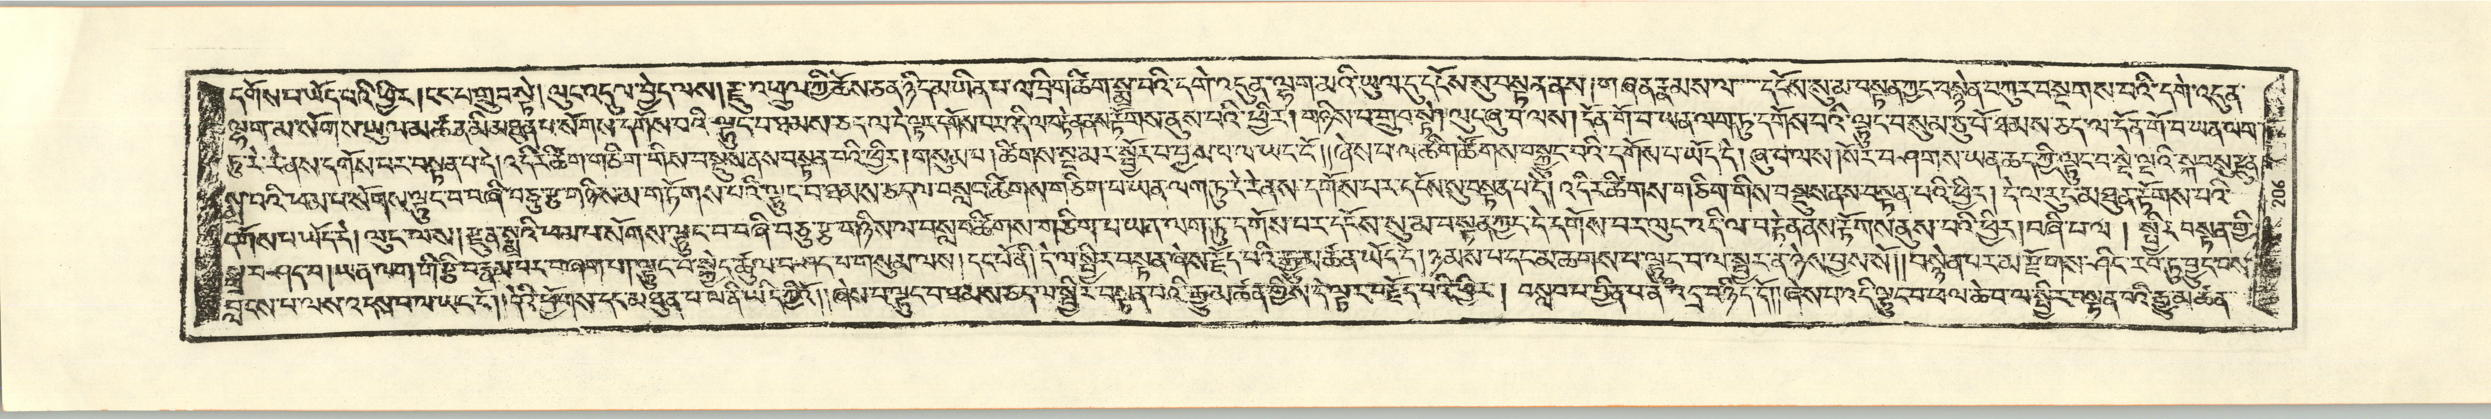དགོས་པ་ཡོད་པའི་ཕྱིར། ངང་པ་གྲུབ་སྟེ། ལུང་འདུལ་བྱེད་ལས། རྫུ་འཕྲུལ་ཀྱི་ཆོས་ཅན་ཉིད་མ་ཡིན་པ་འཁྲིག་ཚིག་སྨྲ་བའི་དགེ་འདུན་ལྷག་མའི་ཡུལ་དུ་དངོས་སུ་བསྟན་ནས། གཞན་རྣམས་ལ་དངོས་སུ་མ་བསྟན་ཀྱང་བསྙེན་བཀུར་བསྔགས་པའི་དགེ་འདུན་
ལྷག་མ་སོགས་ཡུལ་མཚན་མི་མཐུན་པ་སོགས་དགོས་པའི་ལྟུང་བ་ཐམས་ཅད་ལ་དེ་ལྟར་དགོས་པར་འདི་ལ་བརྟེན་ནས་རྟོགས་ནུས་པའི་ཕྱིར། གཉིས་པ་གྲུབ་སྟེ། ལུང་ཞུ་བ་ལས། དོན་གོ་བ་ཡན་ལག་ཏུ་དགོས་པའི་ལྟུང་བ་སུམ་ཅུ་པོ་ཐམས་ཅད་ལ་དོན་གོ་བ་ཡན་ལག་
ཏུ་རེ་རེ་ནས་དགོས་པར་བསྟན་པ་དེ། འདིར་ཚིག་གཅིག་གིས་བསྡུས་ནས་བསྟན་པའི་ཕྱིར། གསུམ་པ། ཚིགས་སྔ་མར་སྦྱོར་བ་བྱས་པ་ལ་ཡང་ངོ། །ཞེས་པ་ལ་ཚིག་ཚོགས་བསྐྱུང་བའི་དགོས་པ་ཡོད་དེ། ཞུ་བ་ལས། སོར་བཤགས་ཡན་ཆད་ཀྱི་ལྟུང་བ་སྡེ་ལྔའི་སྐབས་སུ་རྫུན་
སྨྲ་བའི་ཕམ་པ་སོགས་ལྟུང་བ་བཞི་བཅུ་རྩ་གཉིས་མ་གཏོགས་པའི་ལྟུང་བ་ཐམས་ཅད་ལ་བསླབ་ཚིགས་གཅིག་པ་ཡན་ལག་ཏུ་རེ་རེ་ནས་དགོས་པར་དངོས་སུ་བསྟན་པ་དེ། འདིར་ཚིགས་གཅིག་གིས་བསྡུས་ནས་བསྟན་པའི་ཕྱིར། དེ་ལ་རུང་མཐུན་རྟོགས་པའི་
དགོས་པ་ཡོད་དེ། ལུང་ལས། རྫུན་སྨྲའི་ཕམ་པ་སོགས་ལྟུང་བ་བཞི་བཅུ་རྩ་གཉིས་ལ་བསླབ་ཚིགས་གཅིག་པ་ཡན་ལག་ཏུ་དགོས་པར་དངོས་སུ་མ་བསྟན་ཀྱང་དེ་དགོས་པར་ལུང་འདི་ལ་བརྟེན་ནས་རྟོགས་ནུས་པའི་ཕྱིར། བཞི་པ་ལ། སྤྱིར་བསྟན་གྱི་
སྒྲ་བཤད་བ། ཡན་ལག་གི་རྩི་བ་རྣམ་པར་བཞག་པ། ལྟུང་བ་སྐྱེད་ཚུལ་བཤད་པ་གསུམ་ལས། དང་པོ་ནི། དེ་ལ་སྤྱིར་བསྟན་ཞེས་རྗོད་པའི་རྒྱུ་མཚན་ཡོད་དེ། ཉམས་པ་དང་མ་ཆགས་པ་ལྟུང་བ་ལ་སྦྱར་ན་ཉེས་བྱས་སོ། །བསྙེན་པར་མ་རྫོགས་ཤིང་རབ་ཏུ་བྱུང་བས་
བླངས་པ་ལས་འདས་པ་ལ་ཡང་ངོ། །དེའི་ཕྱོགས་དང་མཐུན་པ་ལ་ནི་ཡིད་ཀྱིའོ། །ཞེས་པ་ལྟུང་བ་ཐམས་ཅད་ལ་སྤྱིར་བསྟན་པའི་རྒྱུ་མཚན་གྱིས་དེ་ལྟར་བརྗོད་པའི་ཕྱིར། བསླབ་པ་བྱིན་པ་ན་འདྲ་བ་ཉིད་དོ། །ཞེས་པ་འདི་ལྟུང་བ་ཕལ་ཆེ་བ་ལ་སྤྱིར་བསྟན་པའི་རྒྱུ་མཚན་